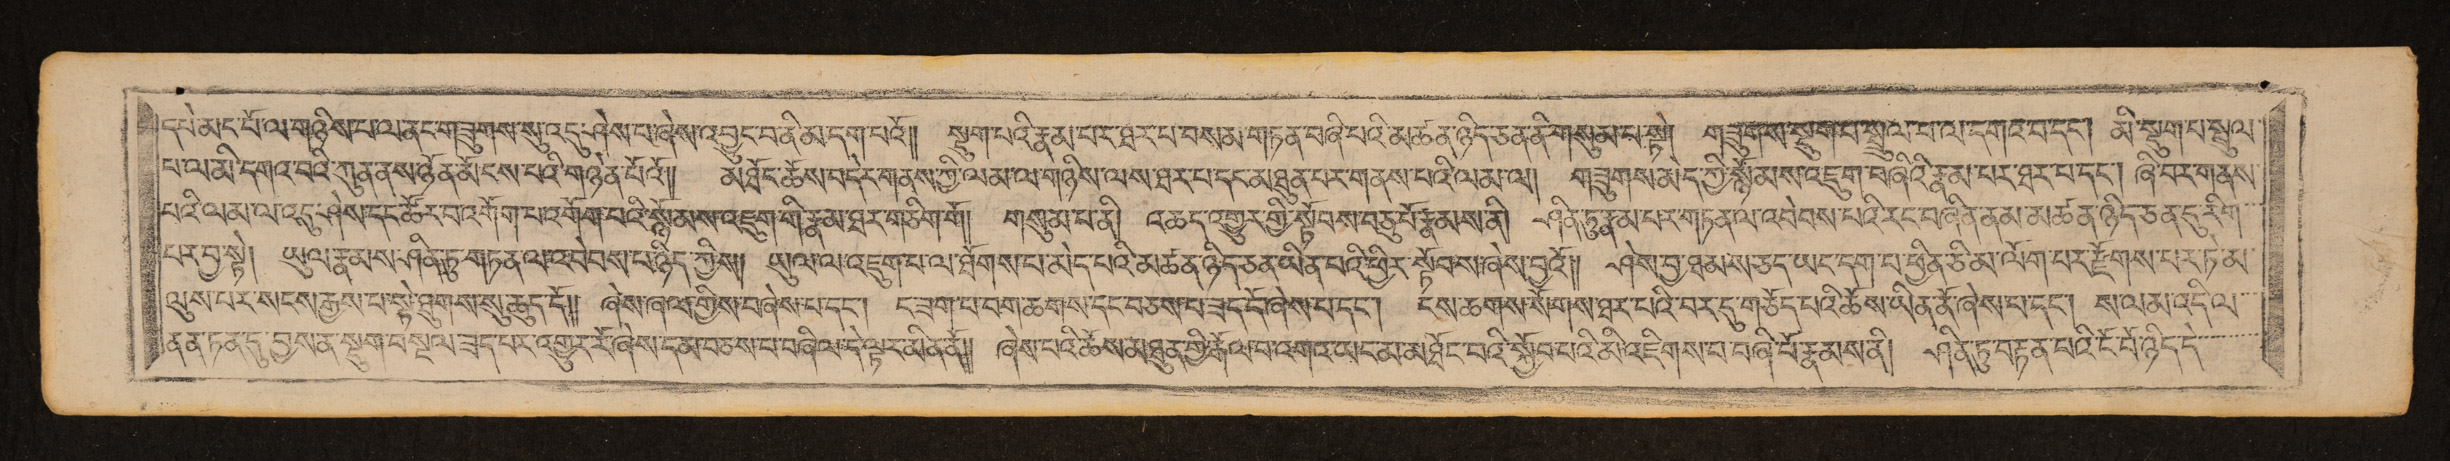དཔེ་མང་པོ་ལ་གཉིས་པ་ལ་ནང་གཟུགས་སུ་འདུ་ཤེས་པ་ཞེས་འབྱུང་བ་ནི་མ་དག་པའོ།། སྡུག་པའི་རྣམ་པར་ཐར་པ་བསམ་གཏན་བཞི་པའི་མཚན་ཉིད་ཅན་ནི་གསུམ་པ་སྟེ། གཟུགས་སྡུག་པ་སྤྲུལ་པ་ལ་དགའ་བ་དང་། མི་སྡུག་པ་སྤྲུལ་
པ་ལ་མི་དགའ་བའི་ཀུན་ནས་ཉོན་མོངས་པའི་གཉེན་པའོ།། མཐོང་ཆོས་བདེར་གནས་ཀྱི་ལམ་ལ་གཉིས་ལས་ཐར་པ་དང་མཐུན་པར་གནས་པའི་ལམ་ལ། གཟུགས་མེད་ཀྱི་སྙོམས་འཇུག་བཞིའི་རྣམ་པར་ཐར་པ་དང་། ཞི་བར་གནས་
པའི་ལམ་ལ་འདུ་ཤེས་དང་ཚོར་བ་འགོག་པ་འགོག་པའི་སྙོམས་འཇུག་གི་རྣམ་ཐར་གཅིག་གོ། གསུམ་པ་ནི། འཆད་འགྱུར་གྱི་སྟོབས་བཅུ་པོ་རྣམས་ནི། ཤིན་ཏུ་རྣམ་པར་གཏན་ལ་འབེབས་པའི་རང་བཞིན་ནམ་མཚན་ཉིད་ཅན་དུ་རིག་
པར་བྱ་སྟེ། ཡུལ་རྣམས་ཤིན་ཏུ་གཏན་ལ་འབེབས་པ་ཉིད་ཀྱིས། ཡུལ་ལ་འཇུག་པ་ལ་ཐོགས་པ་མེད་པའི་མཚན་ཉིད་ཅན་ཡིན་པའི་ཕྱིར་སྟོབས་ཞེས་བྱའོ།། ཤེས་བྱ་ཐམས་ཅད་ཡང་དག་པ་ཕྱིན་ཅི་མ་ལོག་པར་རྫོགས་པར་ཏེ་མ་
ལུས་པར་སངས་རྒྱས་པ་སྟེ་ཐུགས་སུ་ཆུད་དོ།། ཞེས་ཞལ་གྱིས་བཞེས་པ་དང་། ང་ཟག་པ་བག་ཆགས་དང་བཅས་པ་ཟད་དོ་ཞེས་པ་དང་། ངས་ཆགས་སོགས་ཐར་པའི་བར་དུ་གཅོད་པའི་ཆོས་ཡིན་ནོ་ཞེས་པ་དང་། ས་ལམ་འདི་ལ་
ནན་ཏན་དུ་བྱས་ན་སྡུག་བསྔལ་ཟད་པར་འགྱུར་རོ་ཞེས་དམ་བཅས་པ་བཞི་ལ་དེ་ལྟར་མིན་ནོ།། ཞེས་པའི་ཆོས་མཐུན་གྱི་རྒོལ་བ་འགའ་ཡང་མ་མཐོང་བའི་སྐྱོབ་པའི་མི་འཇིགས་པ་བཞི་པོ་རྣམས་ནི། ཤིན་ཏུ་བརྟན་པའི་ངོ་བོ་ཉིད་དེ་